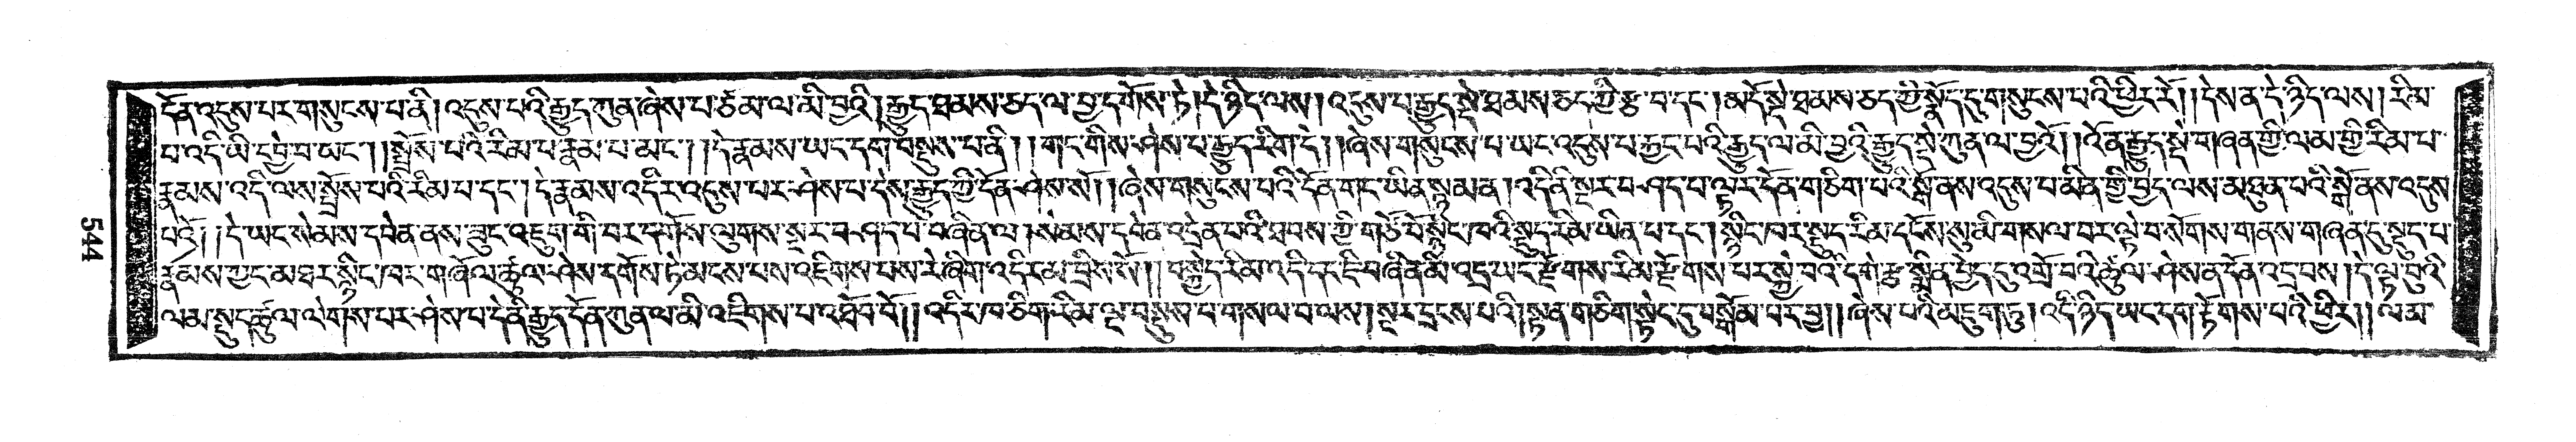དོན་འདུས་པར་གསུངས་པ་ནི། འདུས་པའི་རྒྱུད་ཀུན་ཞེས་པ་ཙམ་ལ་མི་བྱའི། རྒྱུད་ཐམས་ཅད་ལ་བྱ་དགོས་ཏེ། དེ་ཉིད་ལས། འདུས་པ་རྒྱུད་སྡེ་ཐམས་ཅད་ཀྱི་རྩ་བ་དང་། མདོ་སྡེ་ཐམས་ཅད་ཀྱི་སྣོད་དུ་གསུངས་པའི་ཕྱིར་རོ། །དེས་ན་དེ་ཉིད་ལས། རིམ་
པ་འདི་ཡི་དབྱེ་བ་ཡང་། །སྤྲོས་པའི་རིམ་པ་རྣམ་པ་མང་། །དེ་རྣམས་ཡང་དག་བསྡུས་པ་ནི། །གང་གིས་ཤེས་པ་རྒྱུད་རིག་དེ། །ཞེས་གསུངས་པ་ཡང་འདུས་པ་རྐྱང་པའི་རྒྱུད་ལ་མི་བྱའི་རྒྱུད་སྡེ་ཀུན་ལ་བྱའོ། །འོ་ན་རྒྱུད་སྡེ་གཞན་གྱི་ལམ་གྱི་རིམ་པ་
རྣམས་འདི་ལས་སྤྲོས་པའི་རིམ་པ་དང་། དེ་རྣམས་འདིར་འདུས་པར་ཤེས་པ་དེས་རྒྱུད་ཀྱི་དོན་ཤེས་སོ། །ཞེས་གསུངས་པའི་དོན་གང་ཡིན་སྙམ་ན། འདི་ནི་སྔར་བཤད་པ་ལྟར་དོན་གཅིག་པའི་སྒོ་ནས་འདུས་པ་མིན་གྱི་བྱེད་ལས་མཐུན་པའི་སྒོ་ནས་འདུས་
པའོ༑ ༑དེ་ཡང་སེམས་དབེན་ནས་ཟུང་འཇུག་གི་བར་དགོས་ལུགས་སྔར་བཤད་པ་བཞིན་ལ། སེམས་དབེན་འདྲེན་པའི་ཐབས་ཀྱི་གཙོ་བོ་སྙིང་ཁའི་སྡུད་རིམ་ཡིན་པ་དང་། སྙིང་ཁར་སྡུད་རིམ་དངོས་སུ་མི་གསལ་བར་ལྟེ་བ་སོགས་གནས་གཞན་དུ་སྡུད་པ་
རྣམས་ཀྱང་མཐར་སྙིང་ཁར་གཞོལ་ཚུལ་ཤེས་དགོས་ཏེ་མངས་པས་འཇིགས་པས་རེ་ཞིག་འདིར་མ་བྲིས་སོ། །བསྐྱེད་རིམ་འདི་དང་ཇི་བཞིན་མི་འདྲ་ཡང་རྫོགས་རིམ་རྫོགས་པར་སྐྱེ་བའི་དགེ་རྩ་སྨིན་བྱེད་དུ་འགྲོ་བའི་ཚུལ་ཤས་ན་དོན་འདྲ་བས། དེ་ལྟ་བུའི་
ལམ་སྡུད་ཚུལ་ལེགས་པར་ཤེས་པ་དེ་ནི་རྒྱུད་དོན་ཀུན་ལ་མི་འཇིགས་པ་འཐོབ་བོ། །འདིར་ཁ་ཅིག་རིམ་ལྔ་བསྡུས་པ་གསལ་བ་ལས། སྔར་དྲངས་པའི། སྟན་གཅིག་སྟེང་དུ་བསྒོམ་པར་བྱ། །ཞེས་པའི་མཇུག་ཏུ། འདི་ཉིད་ཡང་དག་རྟོགས་པའི་ཕྱིར། །ལམ་